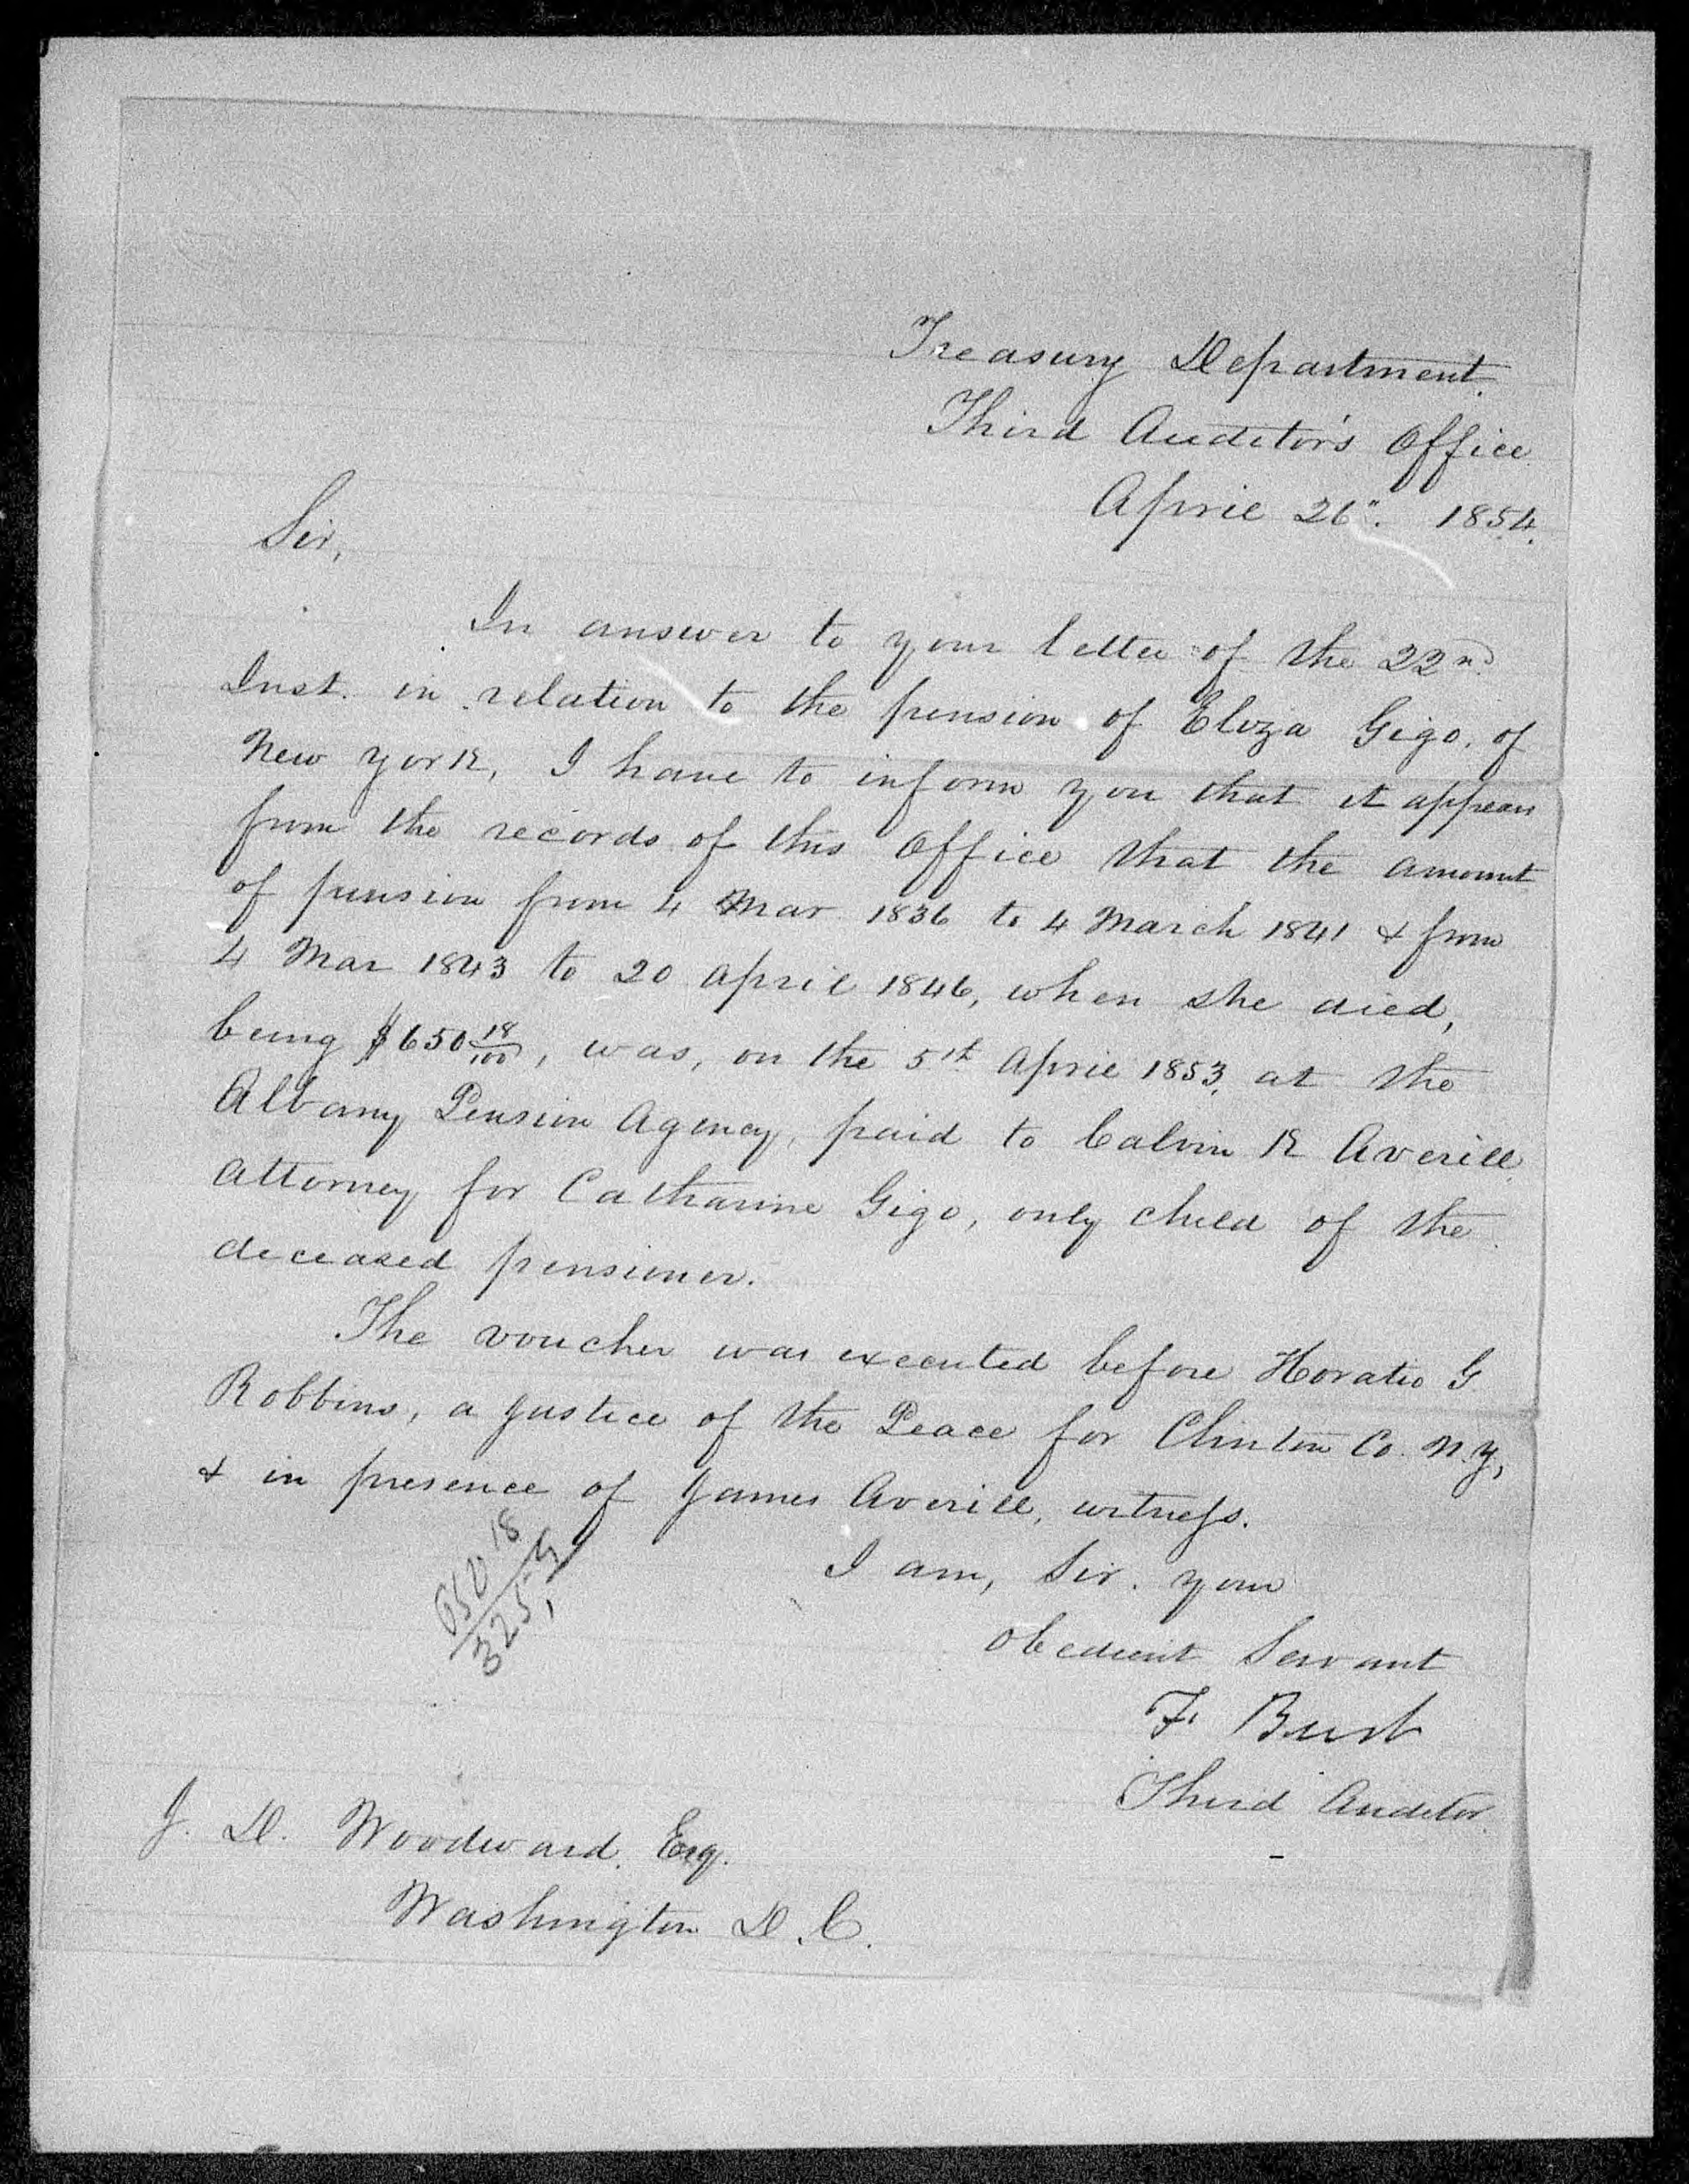Treasury Department
Third Auditors Office
April 26, 1854

Sir,
In answer to your letter of the 22nd inst. in relation to the pension of Eliza Gigo of New York, I have to inform you that it appears from the records of this office that the amount of pension from 4 Mar 1836 to 4 March 1841 and from 4 March 1843 to 20 April 1846 when she died, being $650.18, was on the 5th April 1853 at the Albany Pension Agency, paid to Calvin K Averill, Attorney for Catherine Gigo, only child of the deceased pensioner.
The voucher was executed before Horatio G Robbins, a Justice of the Peace for Clinton Co., NY and in presence of James Averill, witness.
I am, sir, your
Obedient servant,
F. Burt
Third Auditor

J D Woodward, Esq
Washington, DC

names: Catharine Gigo, Horatio G Robbins, Eliza Gigo, J D Woodward, James Averill, Calvin K Averill, F Burt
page: 94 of 98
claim: widow's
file: W. 21182, Francis Gigo, Continental (Canadian)